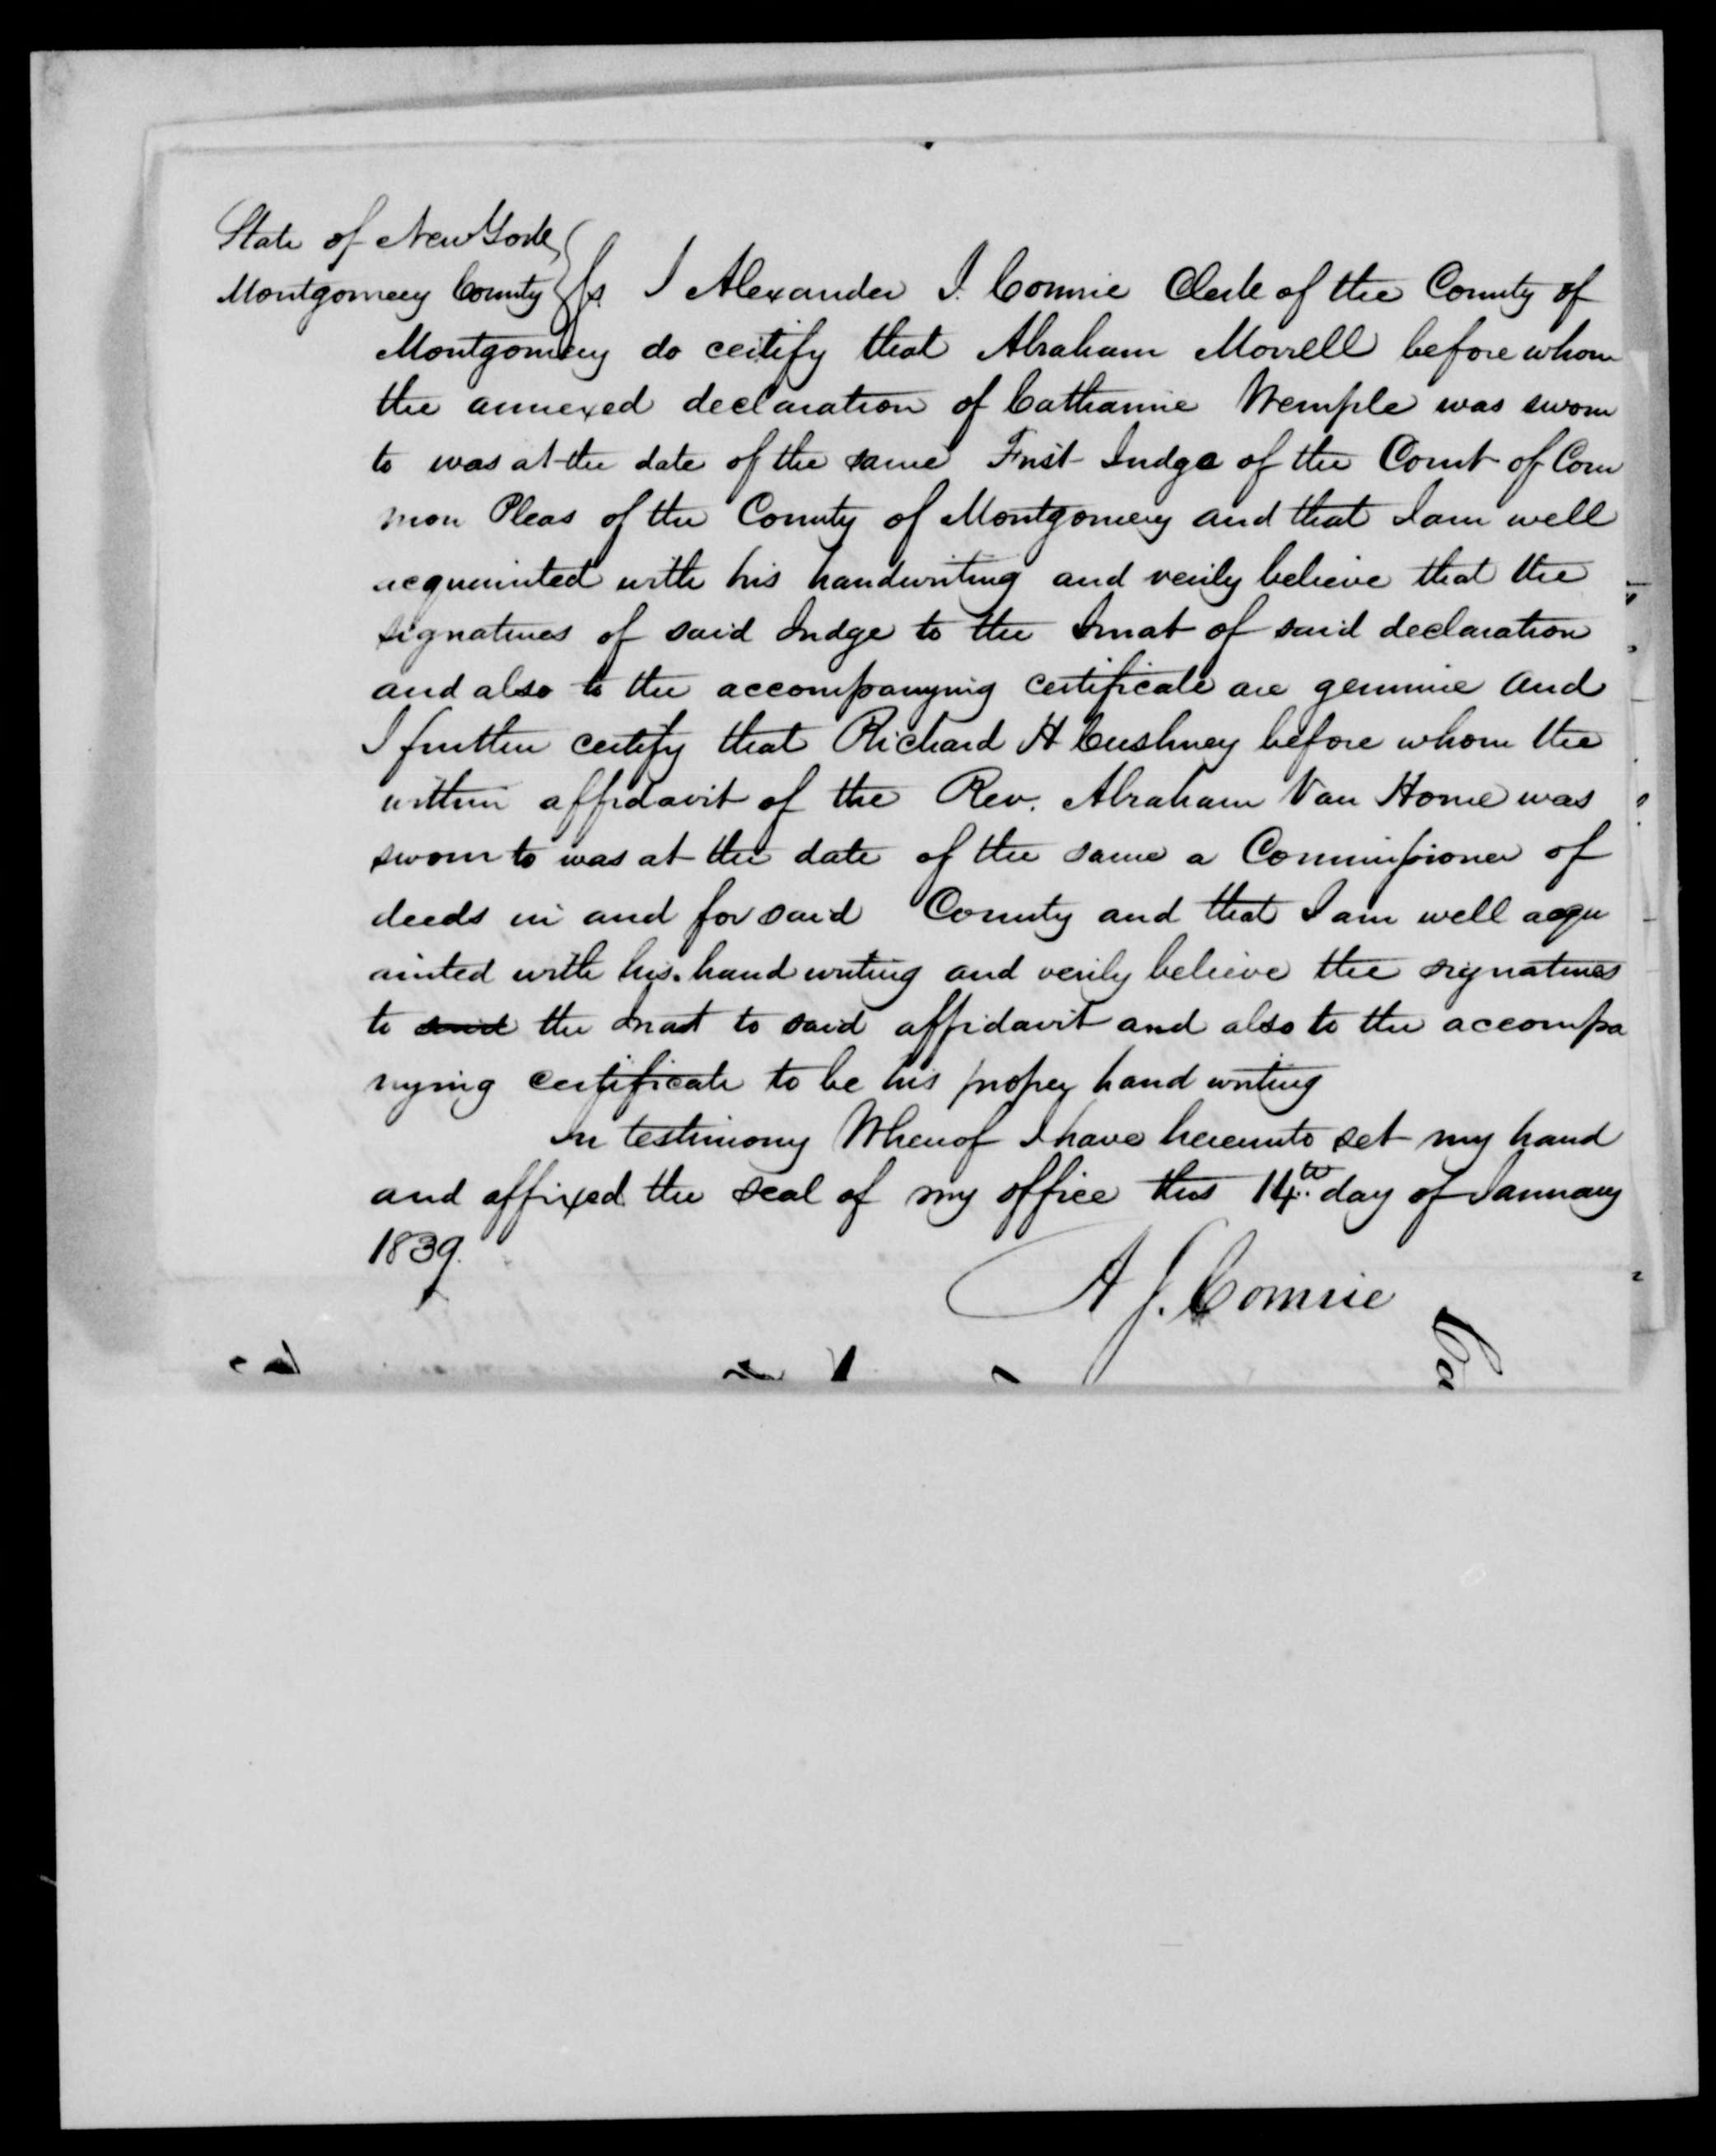State of New York}
Montgomery County}  ss
I Alexander I. Comrie Clerk of the County of
Montgomery do certify that Abraham Morrell before whom
the annexed declaration of Catharine Wemple was sworn
to was at the date of the same First Judge of the Court of Common
Pleas of the County of Montgomery and that I am well
acquainted with his handwriting and verily believe that the
signatures of said Judge to the In at of said declaration
and also to the accompanying certificate are genuine and
I further certify that Richard H Cushney before whom the
written affidavit of the Rev. Abraham Van Horne was
sworn to was at the date of the same a Commissioner of
deeds in and for said County and that I am well 
acquainted with his hand writing and verily believe the signatures
to the In at to said affidavit and also to the 
accompanying certificate to be his proper hand writing
In testimony whereof I have hereunto set my hand
and affixed the seal of my office this 14th day of January
1839

A J. Comrie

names: Alexander J Comrie, Abraham Morrell, Catharine Wemple, Richard H Cushney, Abraham Van Horne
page: 19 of 51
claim: widow's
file: W. 19604, Myndert B Wemple, New York